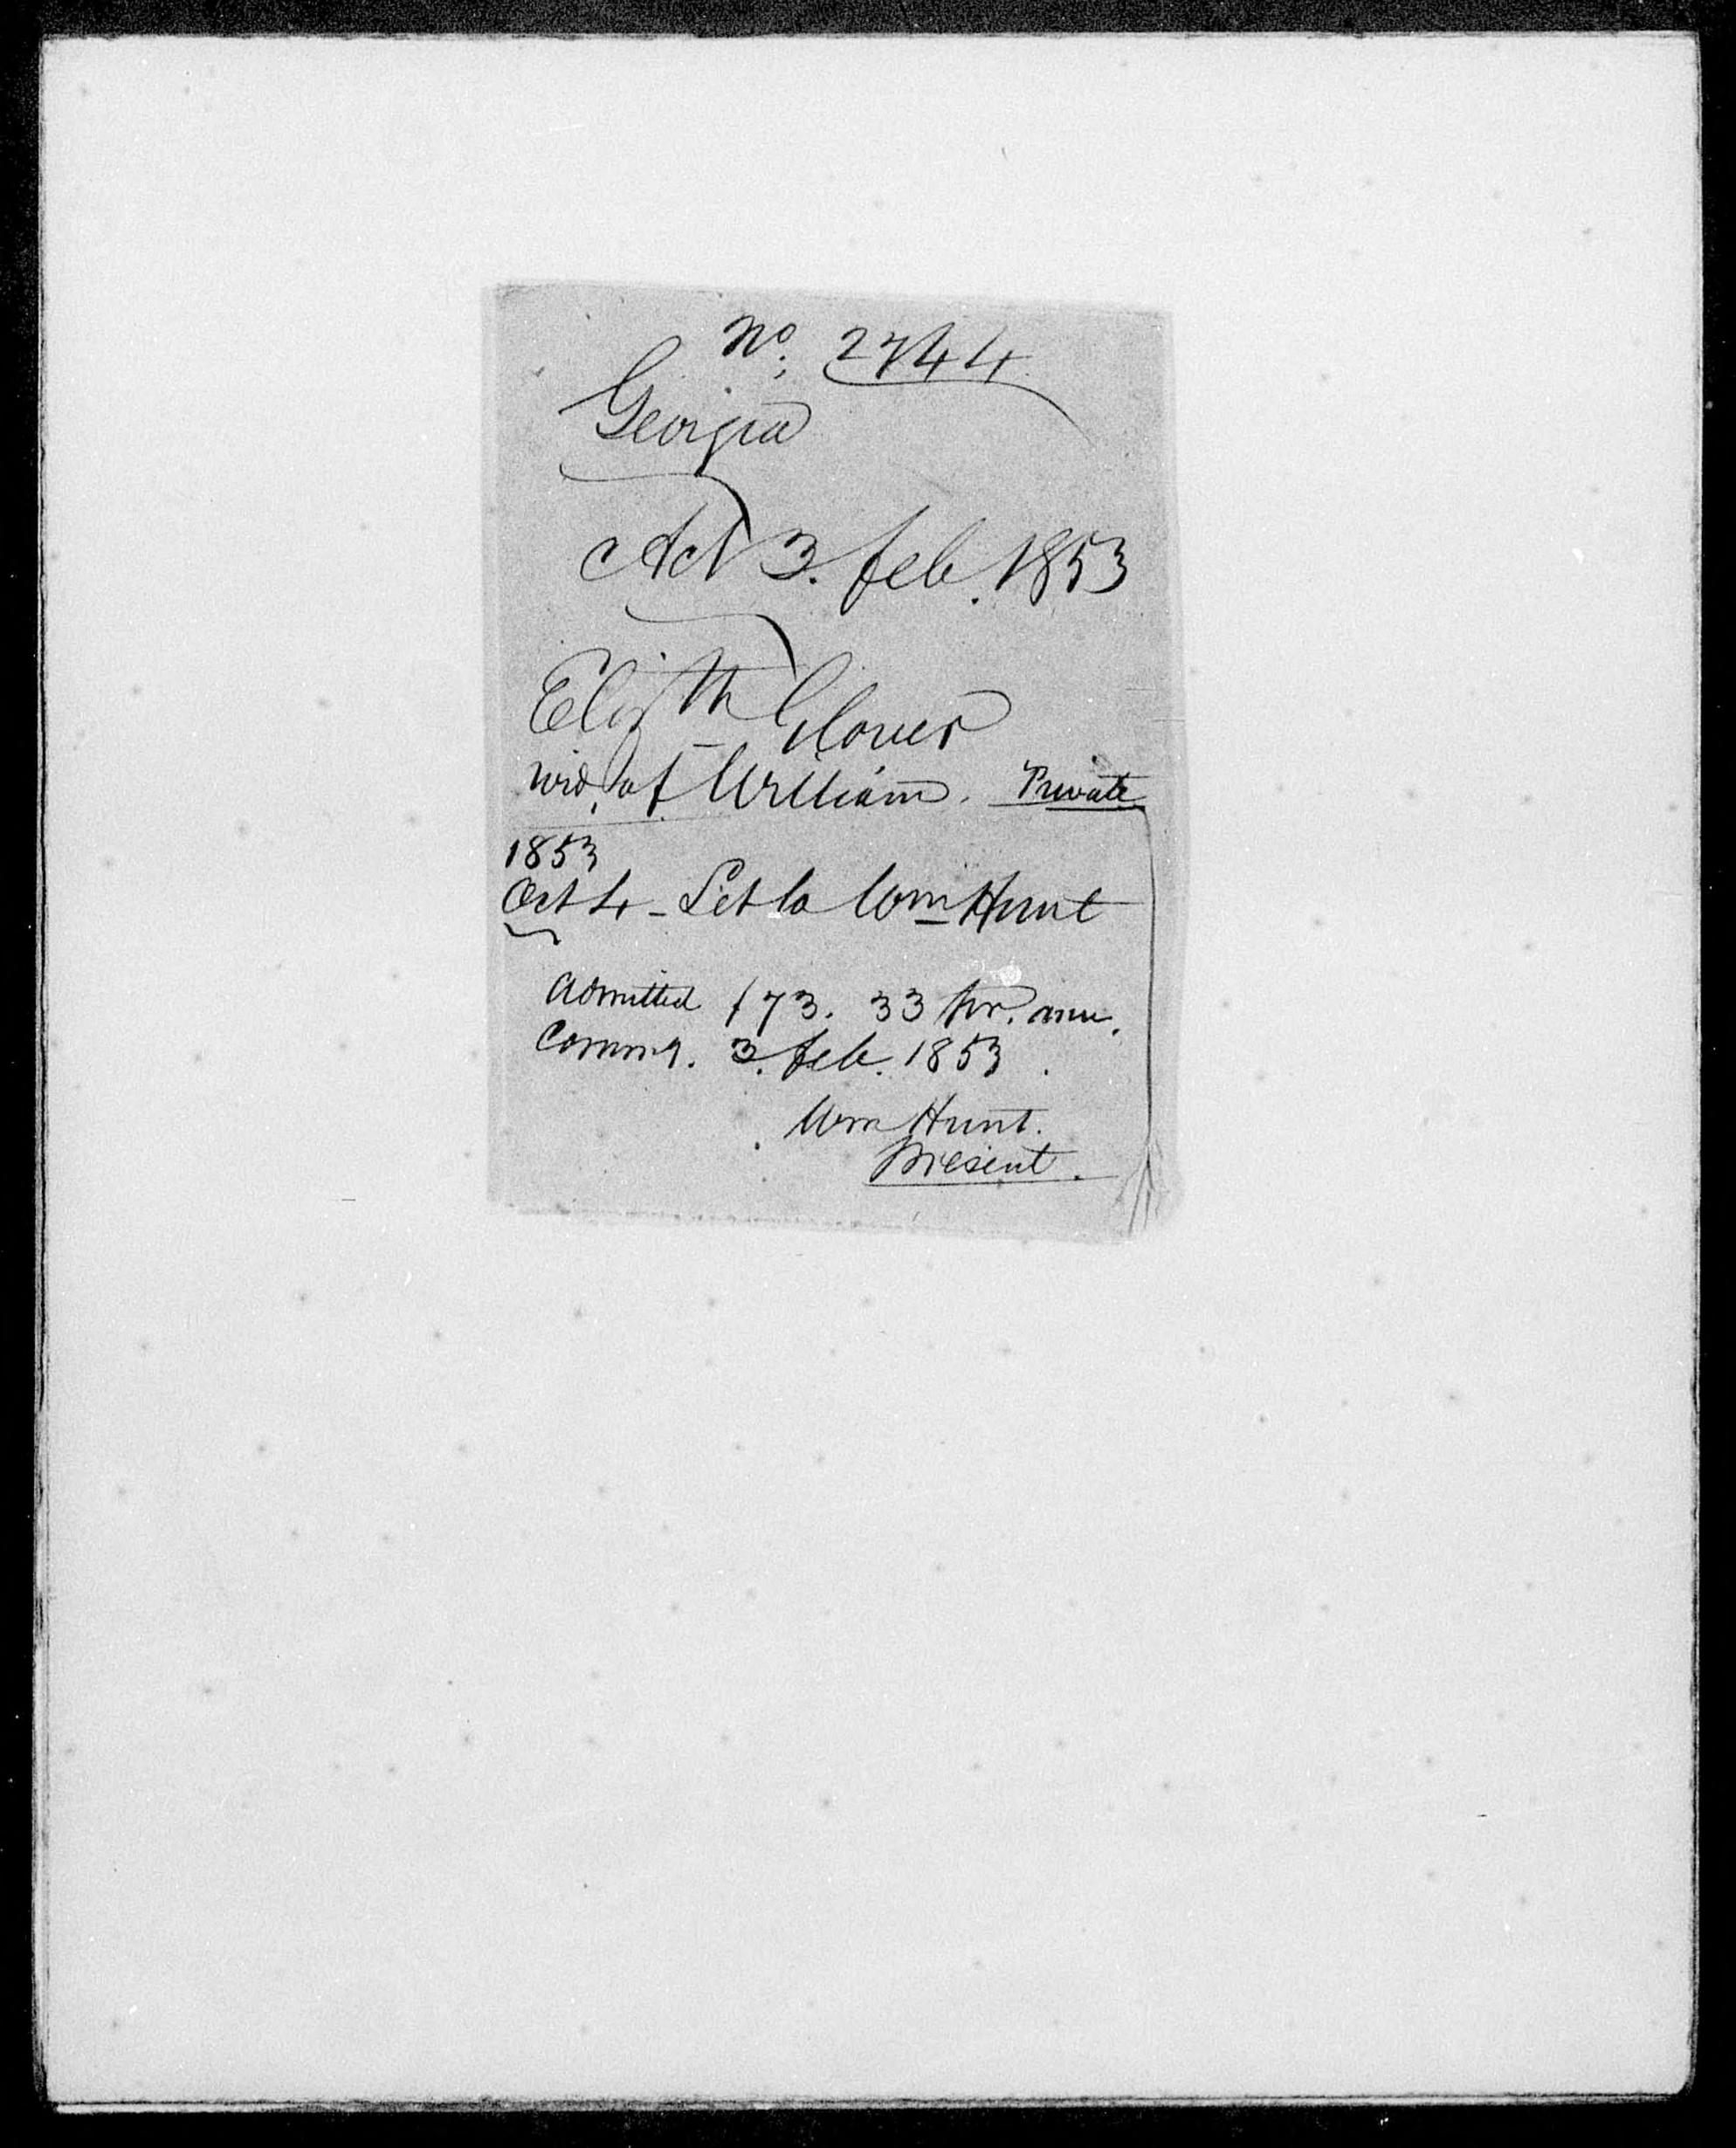no 2744

Georgia
Act 3.Feb.1853

Elizth Glover 
widow of William. Private 
1853
Oct 4-[illegible] Wm Hunt
Admitted 173.33 for pension
commis. 3 Feb 1853

Wm Hunt

Present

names: William Glover, Elizth Glover, Wm Hunt, Wm Hunt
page: 21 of 51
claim: widow's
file: W. 929, William Glover, N.C.